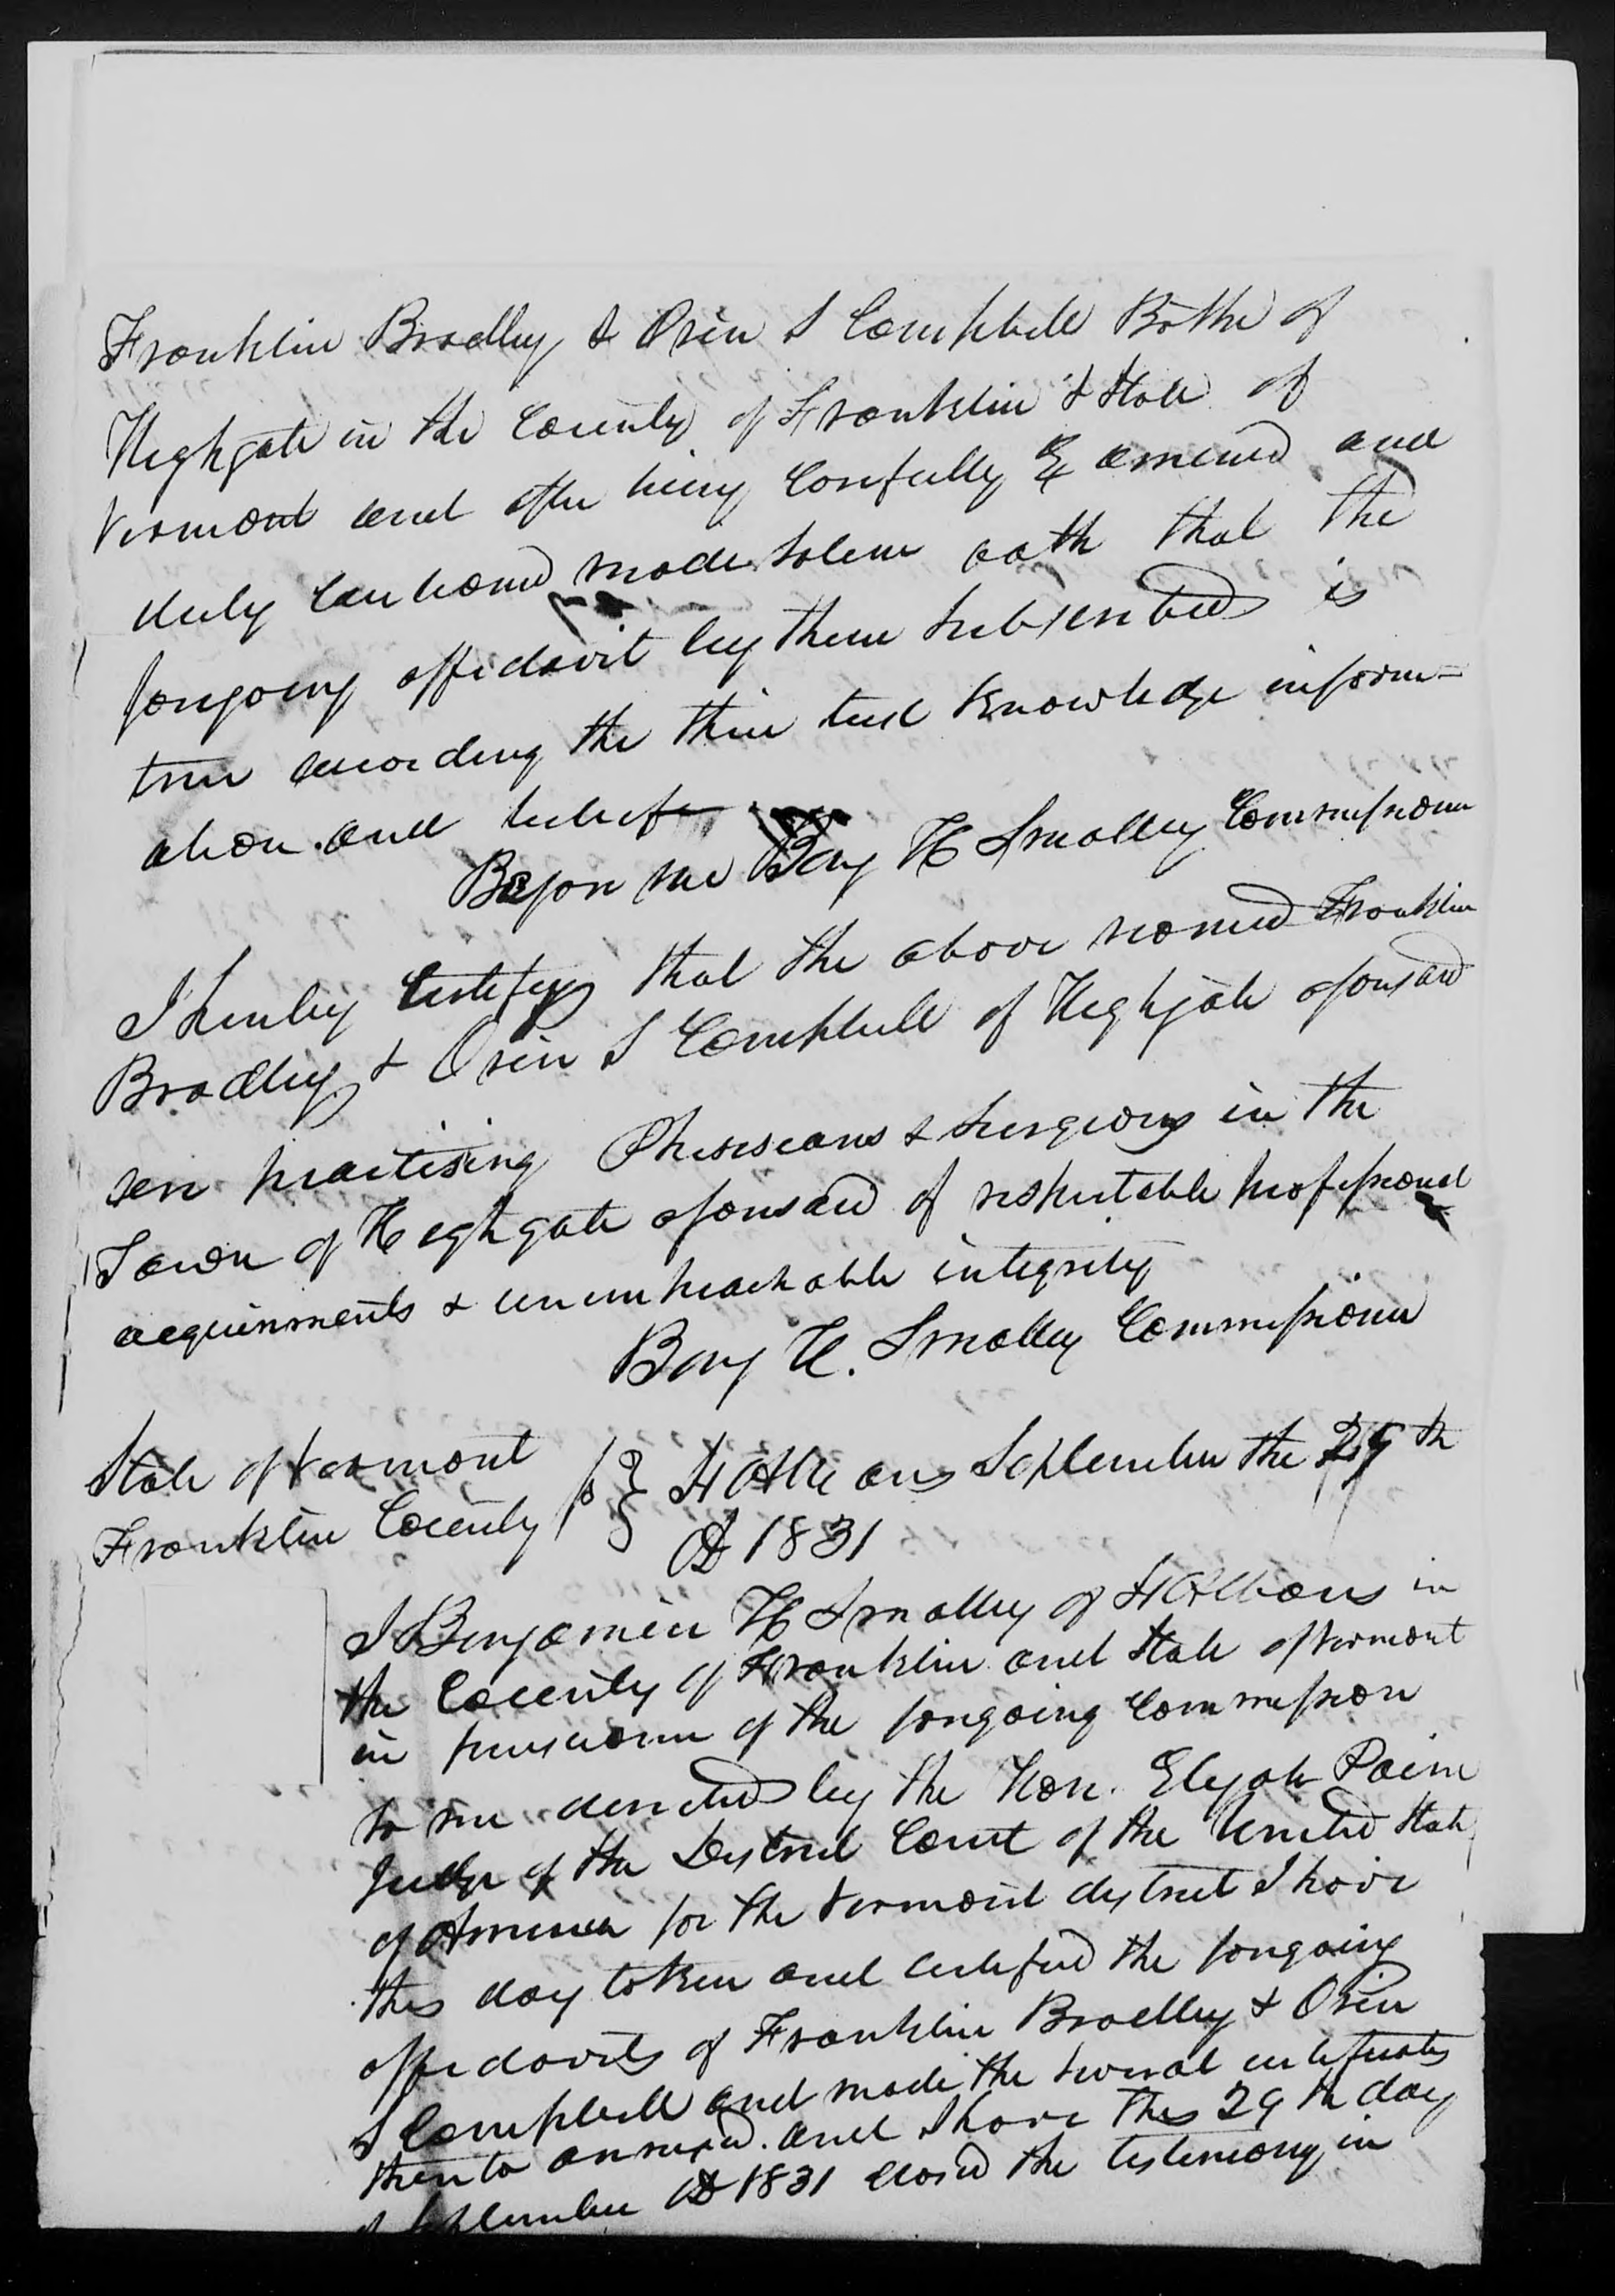Franklin Bradley & Orin S Campbell Both of Highgate in the County of Franklin & State of Vermont and after being carefully examined and duly cautioned made solemn oath that the foregoing affidavit by them subscribed is true according the their best knowledge information and beliefs
Before me Benj H Smalley Commissioner
I truly certify that the above named Franklin Bradley & Orin S Campbell of Highgate aforesaid are practising (sic) physicians & Surgeons in the Town of Highgate aforesaid of reputable professional & unimpeachable integrity
Benj H. Smalley Commissioner

State of Vermont   } [illegible] on
Franklin County ss } September the 29th AD 1831
I Benjamin H Smalley of St Albans in the County of Franklin and State of Vermont in [illegible] of the foregoing commission [illegible] by the Hon. Elijah Pain Judge of the District court of the United States of America for the Vermont district I have this day taken and certified the foregoing affidavits of Franklin Bradley & Orin S Campbell and made the [illegible] certificates then to annexed and I have this 29th day of September AD 1831 closed the testimony in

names: Elijah Paine, Benj H Smalley, Bradley, Benjamin H Smalley, Orin S Campbell, Benj H Smalley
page: 67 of 100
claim: survivor's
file: S 19186, James Austin, Conn. New York R.I.